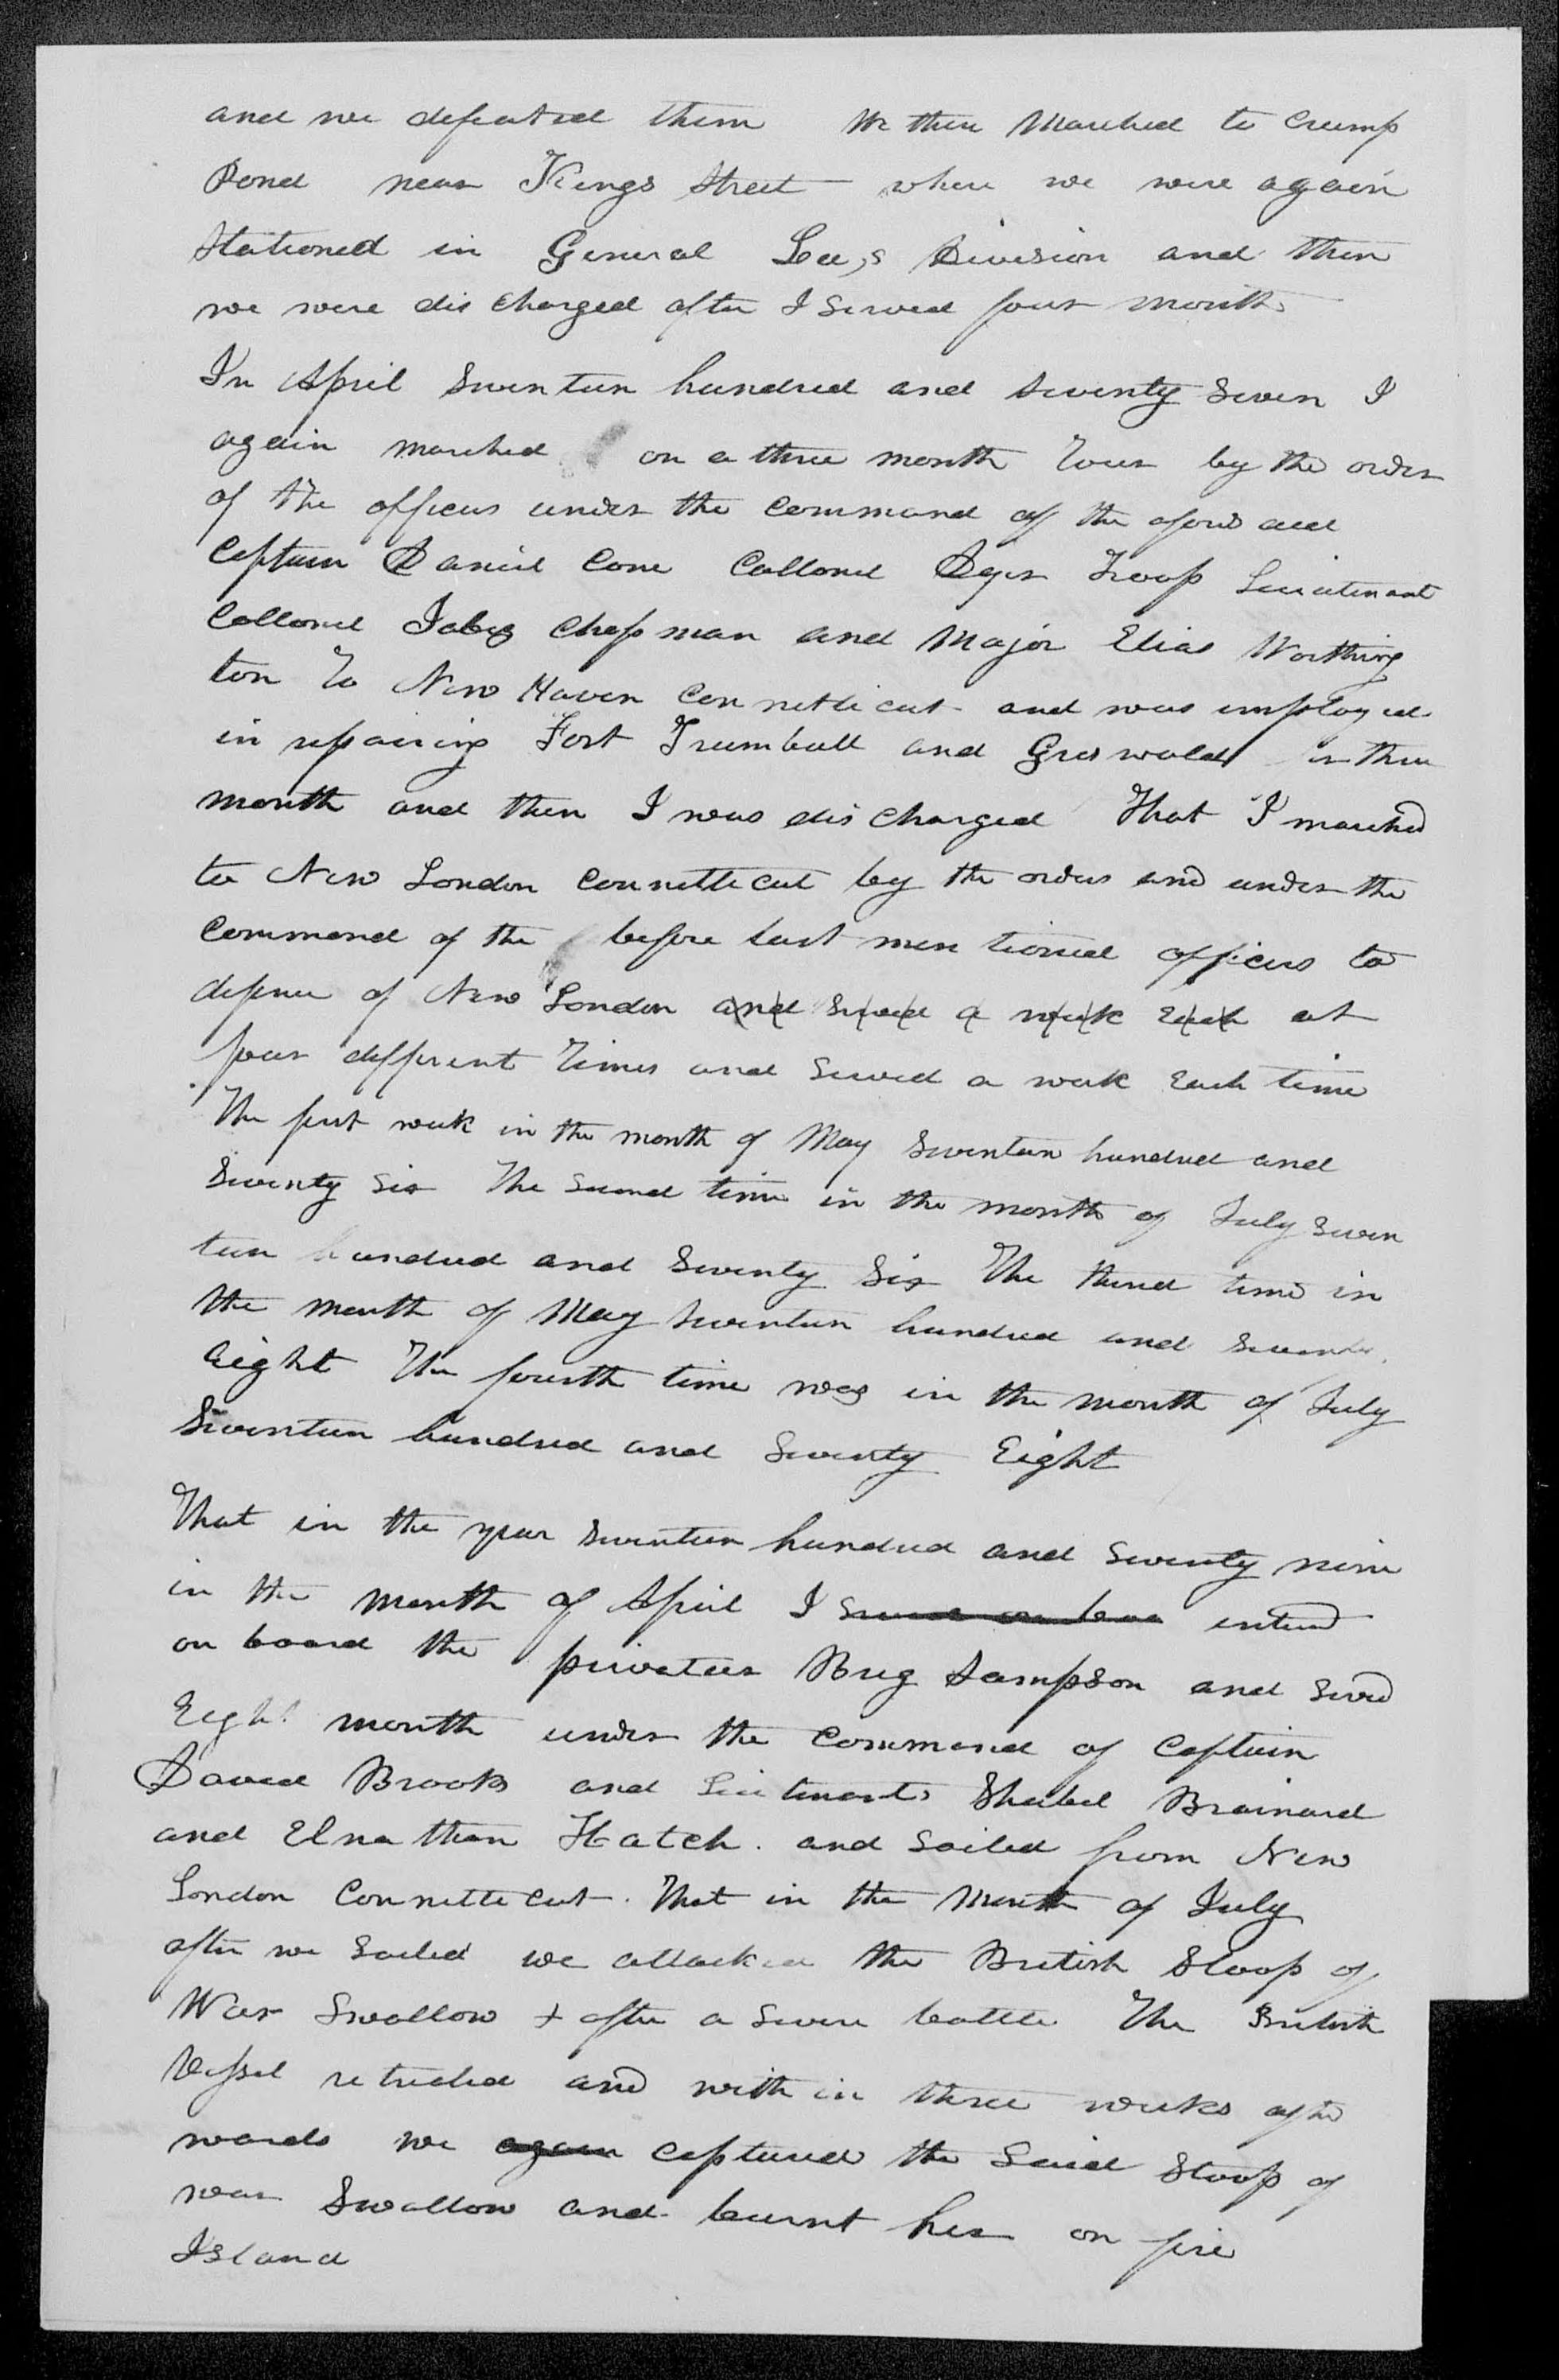and we defeated them. We then marched to Crump Pond near Kings Street where we were again stationed in General Lees Division and then we were discharged after I served four months.

In April seventeen hundred and seventy seven, I again marched on a three month tour by the order of the officers under the command of the aforesaid Captain Daniel Cone, Colonel Troop Lieutenant Colonel Jabez Chapman and Major Elias Worthington to New Haven Connecticut and was employed in repairing Fort Trumbull and Groswald in three months and then I was discharged. That I marched to New London Connecticut by the order and under the command of the before mentioned officers to defense of New London ant four different times and served a week each time. The first week in the month of May Seventeen hundred and seventy six. The second time in the month of July seventeen hundred and seventy six. The third time in the month of May seventeen undred and seventy eight. The fourth time was in the month of July seventeen hundred and seventy eight.

That in the year seventeen hundred and seventy nine in the month of April I entered on board the privateer Brig Sampson and served eight months under the command of Captain David Brook and Lieutenant Shubel Brainard and Elnathan Hatch and sailed from New London Connecticut . That in the month of July after we sailed we attacked the British Sloop of War Swallow and after a sever battle thr British vessel retreated and within three weeks afterwards we captured the said sloop Swallow and burnt here on fire Island.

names: Daniel Brook, Daniel Cone, Lee, Elias Worthing, Shubel Brainard, Jabez Chapman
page: 5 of 30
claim: survivor's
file: S. 3099, Daniel Brainard, Conn. Privateer